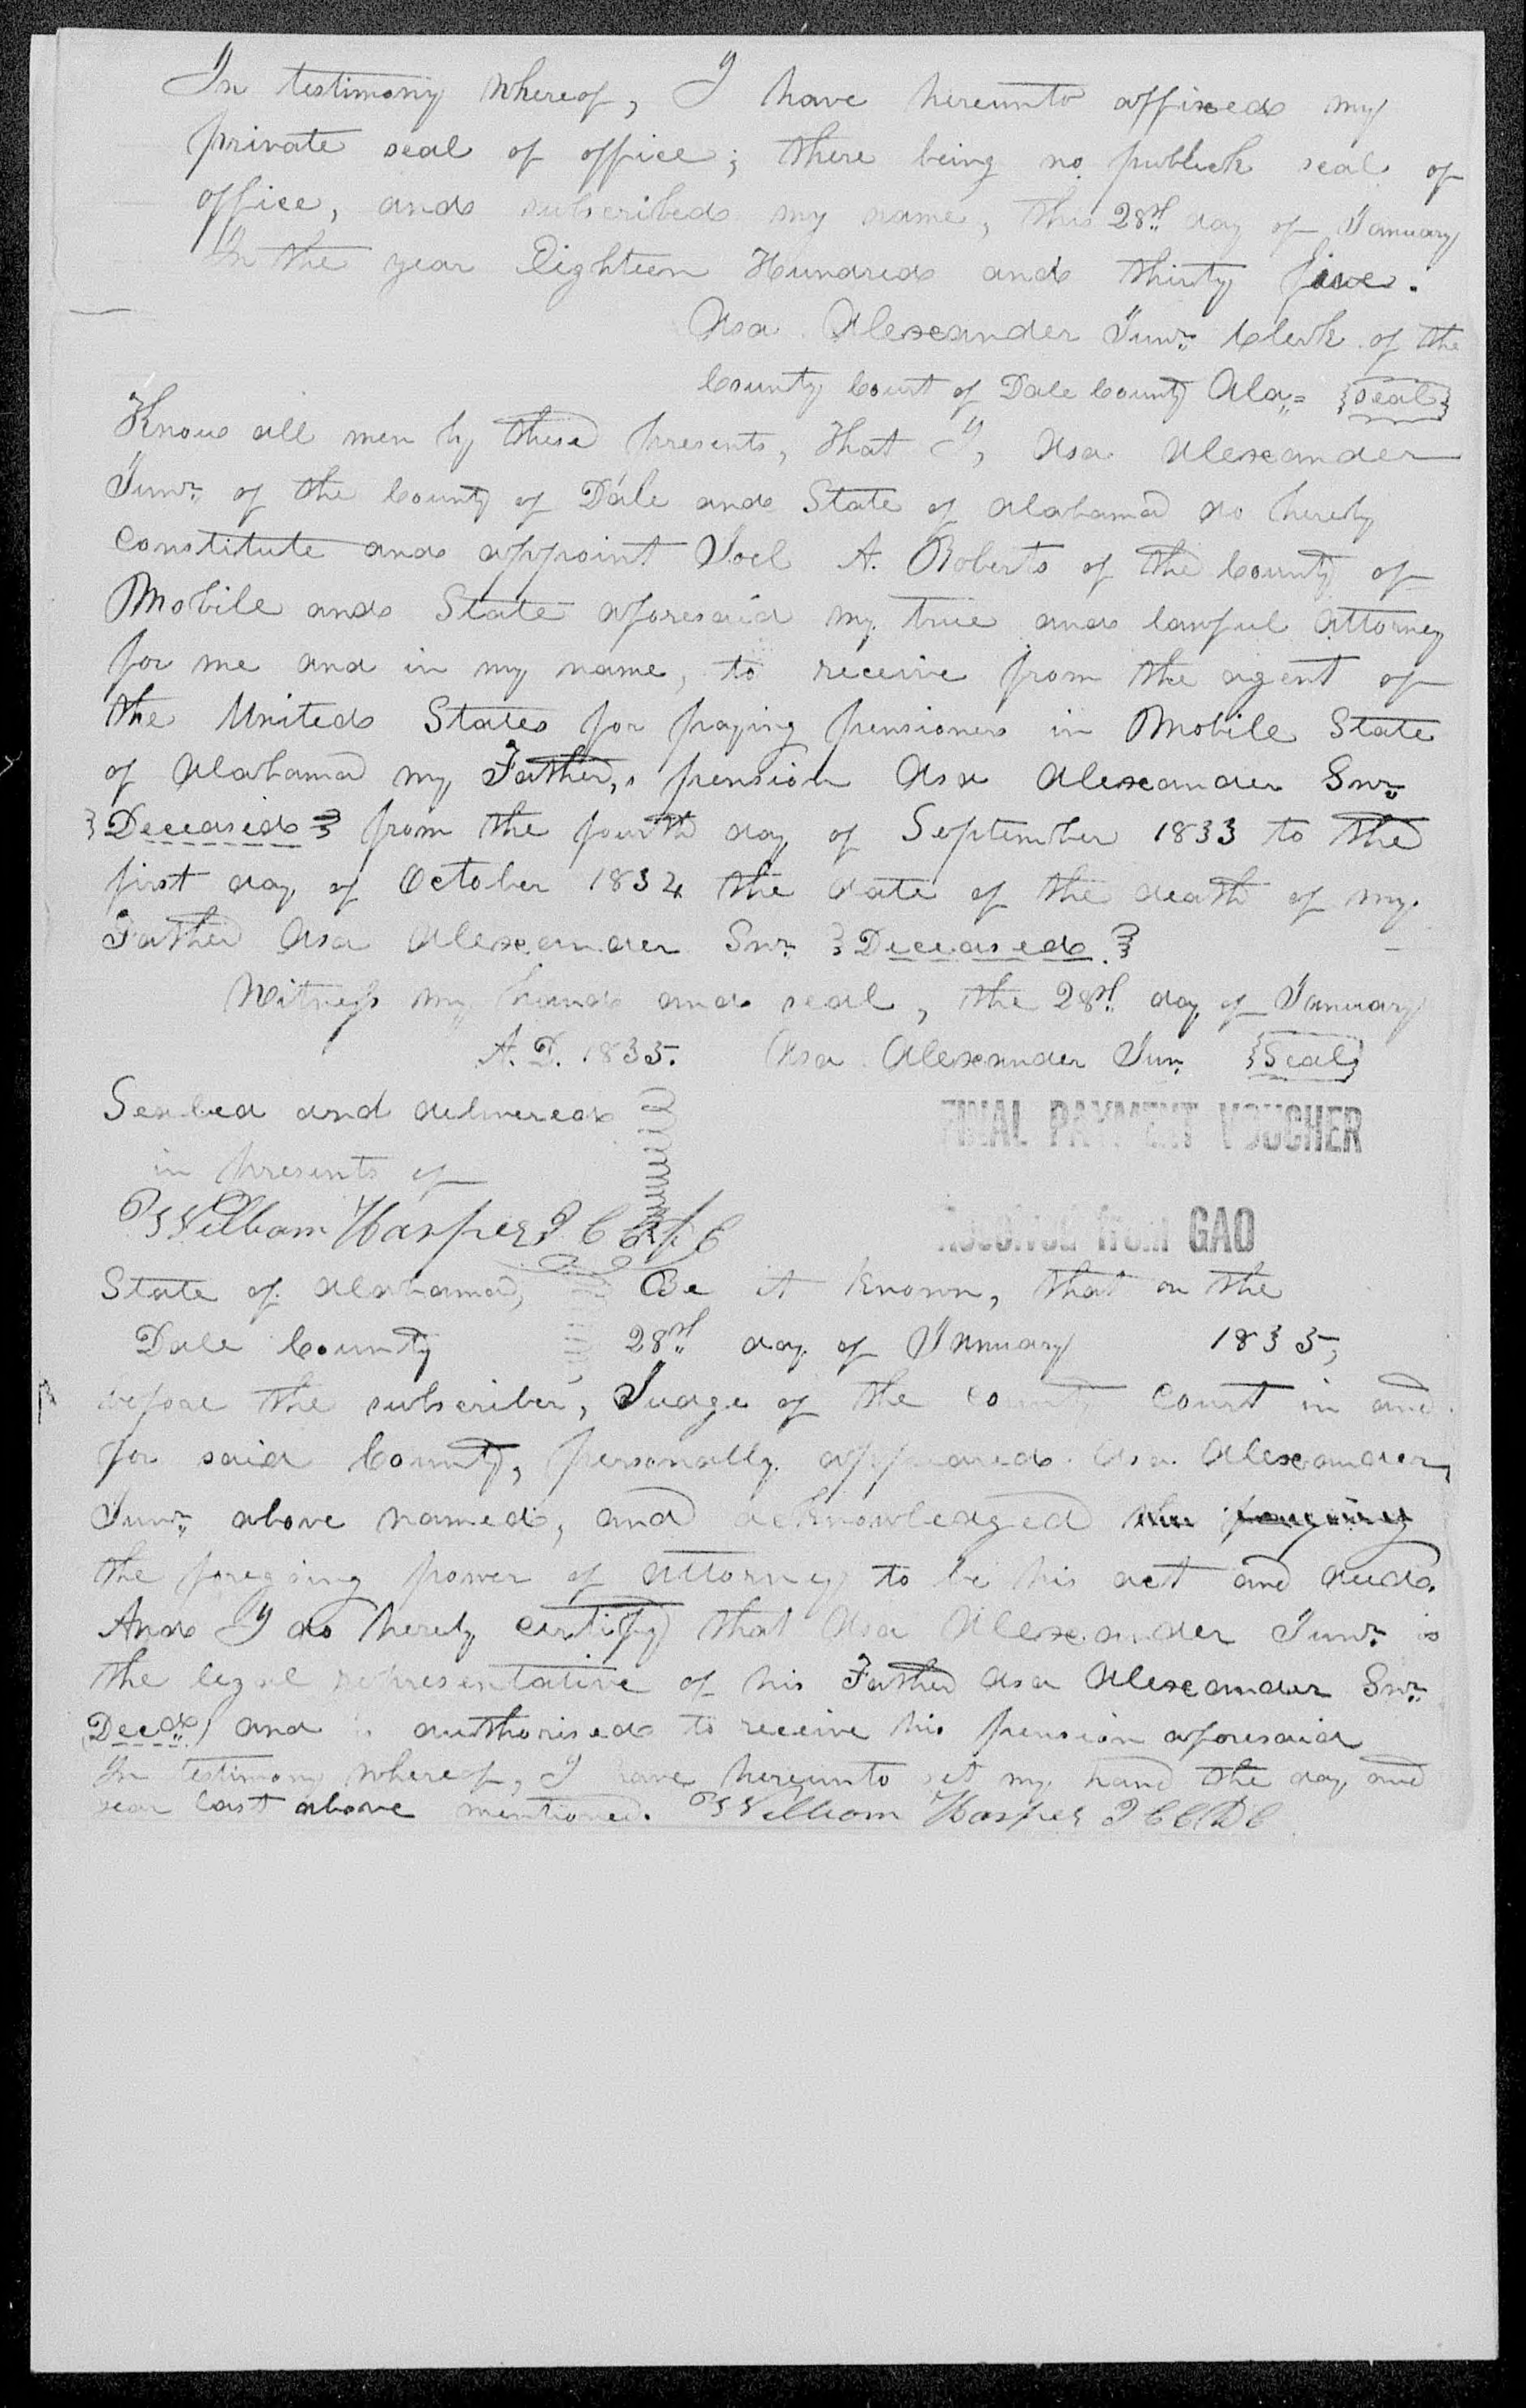In testimony whereof, I have hereunto affixed my private seal of office; there being no publick seal of office, and subscribed my name this 28th day of January in the year Eighteen Hundred and thirty five. 
[Signature] Asa Alexander Junr. Seal
Know all men by these presents, that I, Asa Alexander Junr. of the County of Dale and State of Alabama do hereby constitute and appoint Joel A. Roberts of the County of Mobile and State aforesaid my true and lawful attorney for me and in my name to receive from the agent of the United States for paying pensions in Mobile State of Alabama my Father's pension, Asa Alexander Senr. Deceased from the fourth day of September 1833 to the first day of October 1834 the date of the death of my father Asa Alexander Senr. Deceased. Witness my hand and seal, the 28th day of January A.D. 1835. [signature] Asa Alexander Jun. Seal.

Sealed and delivered in presents of William Harper JCCDC

State of Alabama,
Dale County
Be it known that on the 28th day of January 1835, before the subscriber, Judge of the county court in and for said County, personally appeared Asa Alexander Junr, above named, and acknowledged [two words crossed out] the foregoing power of attorney to be his act and deed. And I do hereby certify that Asa Alexander Junr. is the legal representative of his father Asa Alexander Sr. Decd, and is authorized to receive his pension aforesaid. In testimony whereof, I have hereunto set my hand the day and year last above mentioned.  {signature] William Harper JCCDC.

[Stamped] Final Payment Voucher
Received from GAO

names: Joel A Roberts, William Harper, William Harper, Asa Alexander, Asa Alexander, Asa Alexander, Asa Alexander, Asa Alexander, Asa Alexander, Asa Alexander, Asa Alexander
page: 20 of 35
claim: survivor's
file: S. 32092, Asa Alexander, Ga.